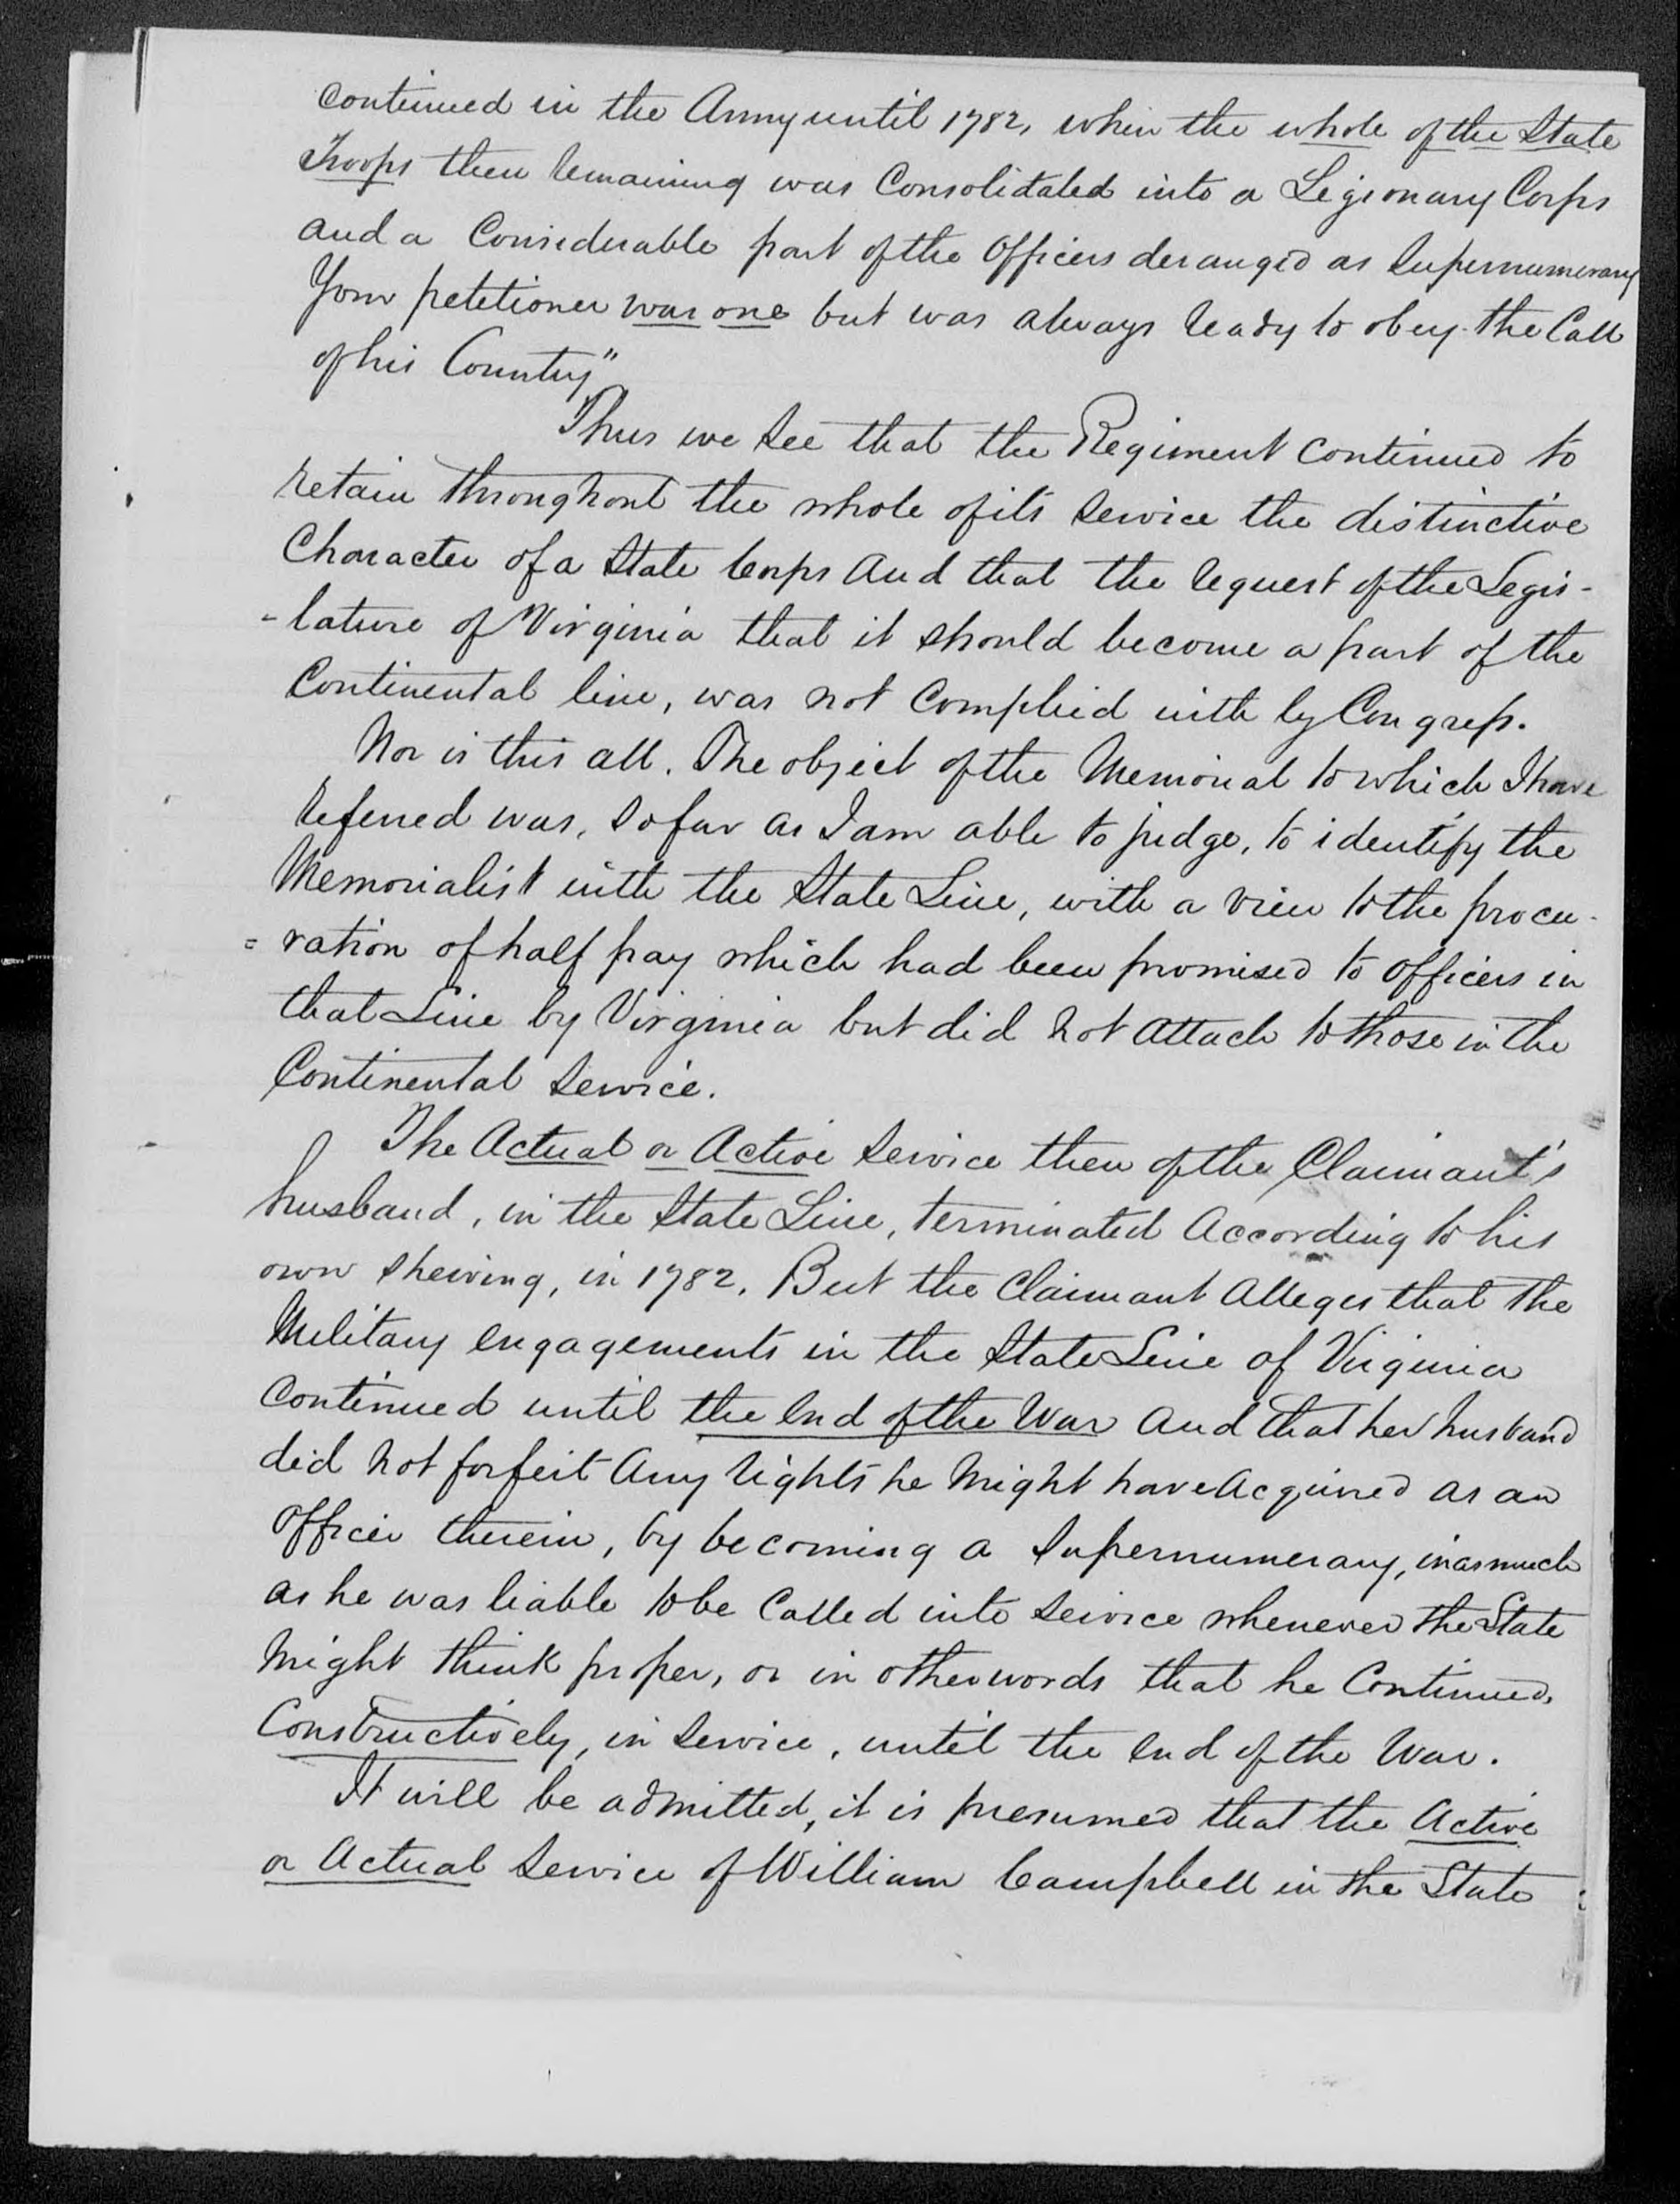continued in the Army until 1782, when the whole of the State Troops then Remaining was Consolidated into a Legionary Corps and a Considerable part of the Officers deranged as Supernumerary Your petitioner was one but was always ready to obey the Call of his Country"
Thus we see that the Regiment continued to retain throughout the whole of its service the distinctive Character of a State Corps and that the request of the Legislature of Virginia that it should become a part of the Continental line, was not Complied with by Congress.
Nor is this all. The object of the Memorial to which I have referred was, sofar as I am able to judge, to identify the Memorialist with the State Line, with a view to the procuration of half pay which had been promised to Officers in that Line by Virginia but did not attach to those in the Continental Service.
The Actual or Active Service then of the Claimant's husband, in the State Line, terminated According to his own showing, in 1782, But the Claimant alleges that the Military engagements in the State Line of Virginia Continued until the end of the war and that her husband did not forfeit Any rights he Might have Acquired as an Officer therein, by becoming a Supernumerary, inasmuch as he was liable to be Called into Service whenever the State might think proper, or in otherwords that he Continued, Constructively, in service, until the end of the War.
It will be admitted, it is presumed that the Active or Actual Service of William Campbell in the State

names: William Campbell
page: 163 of 267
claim: widow's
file: W. 4,149, William Campbell, Va.